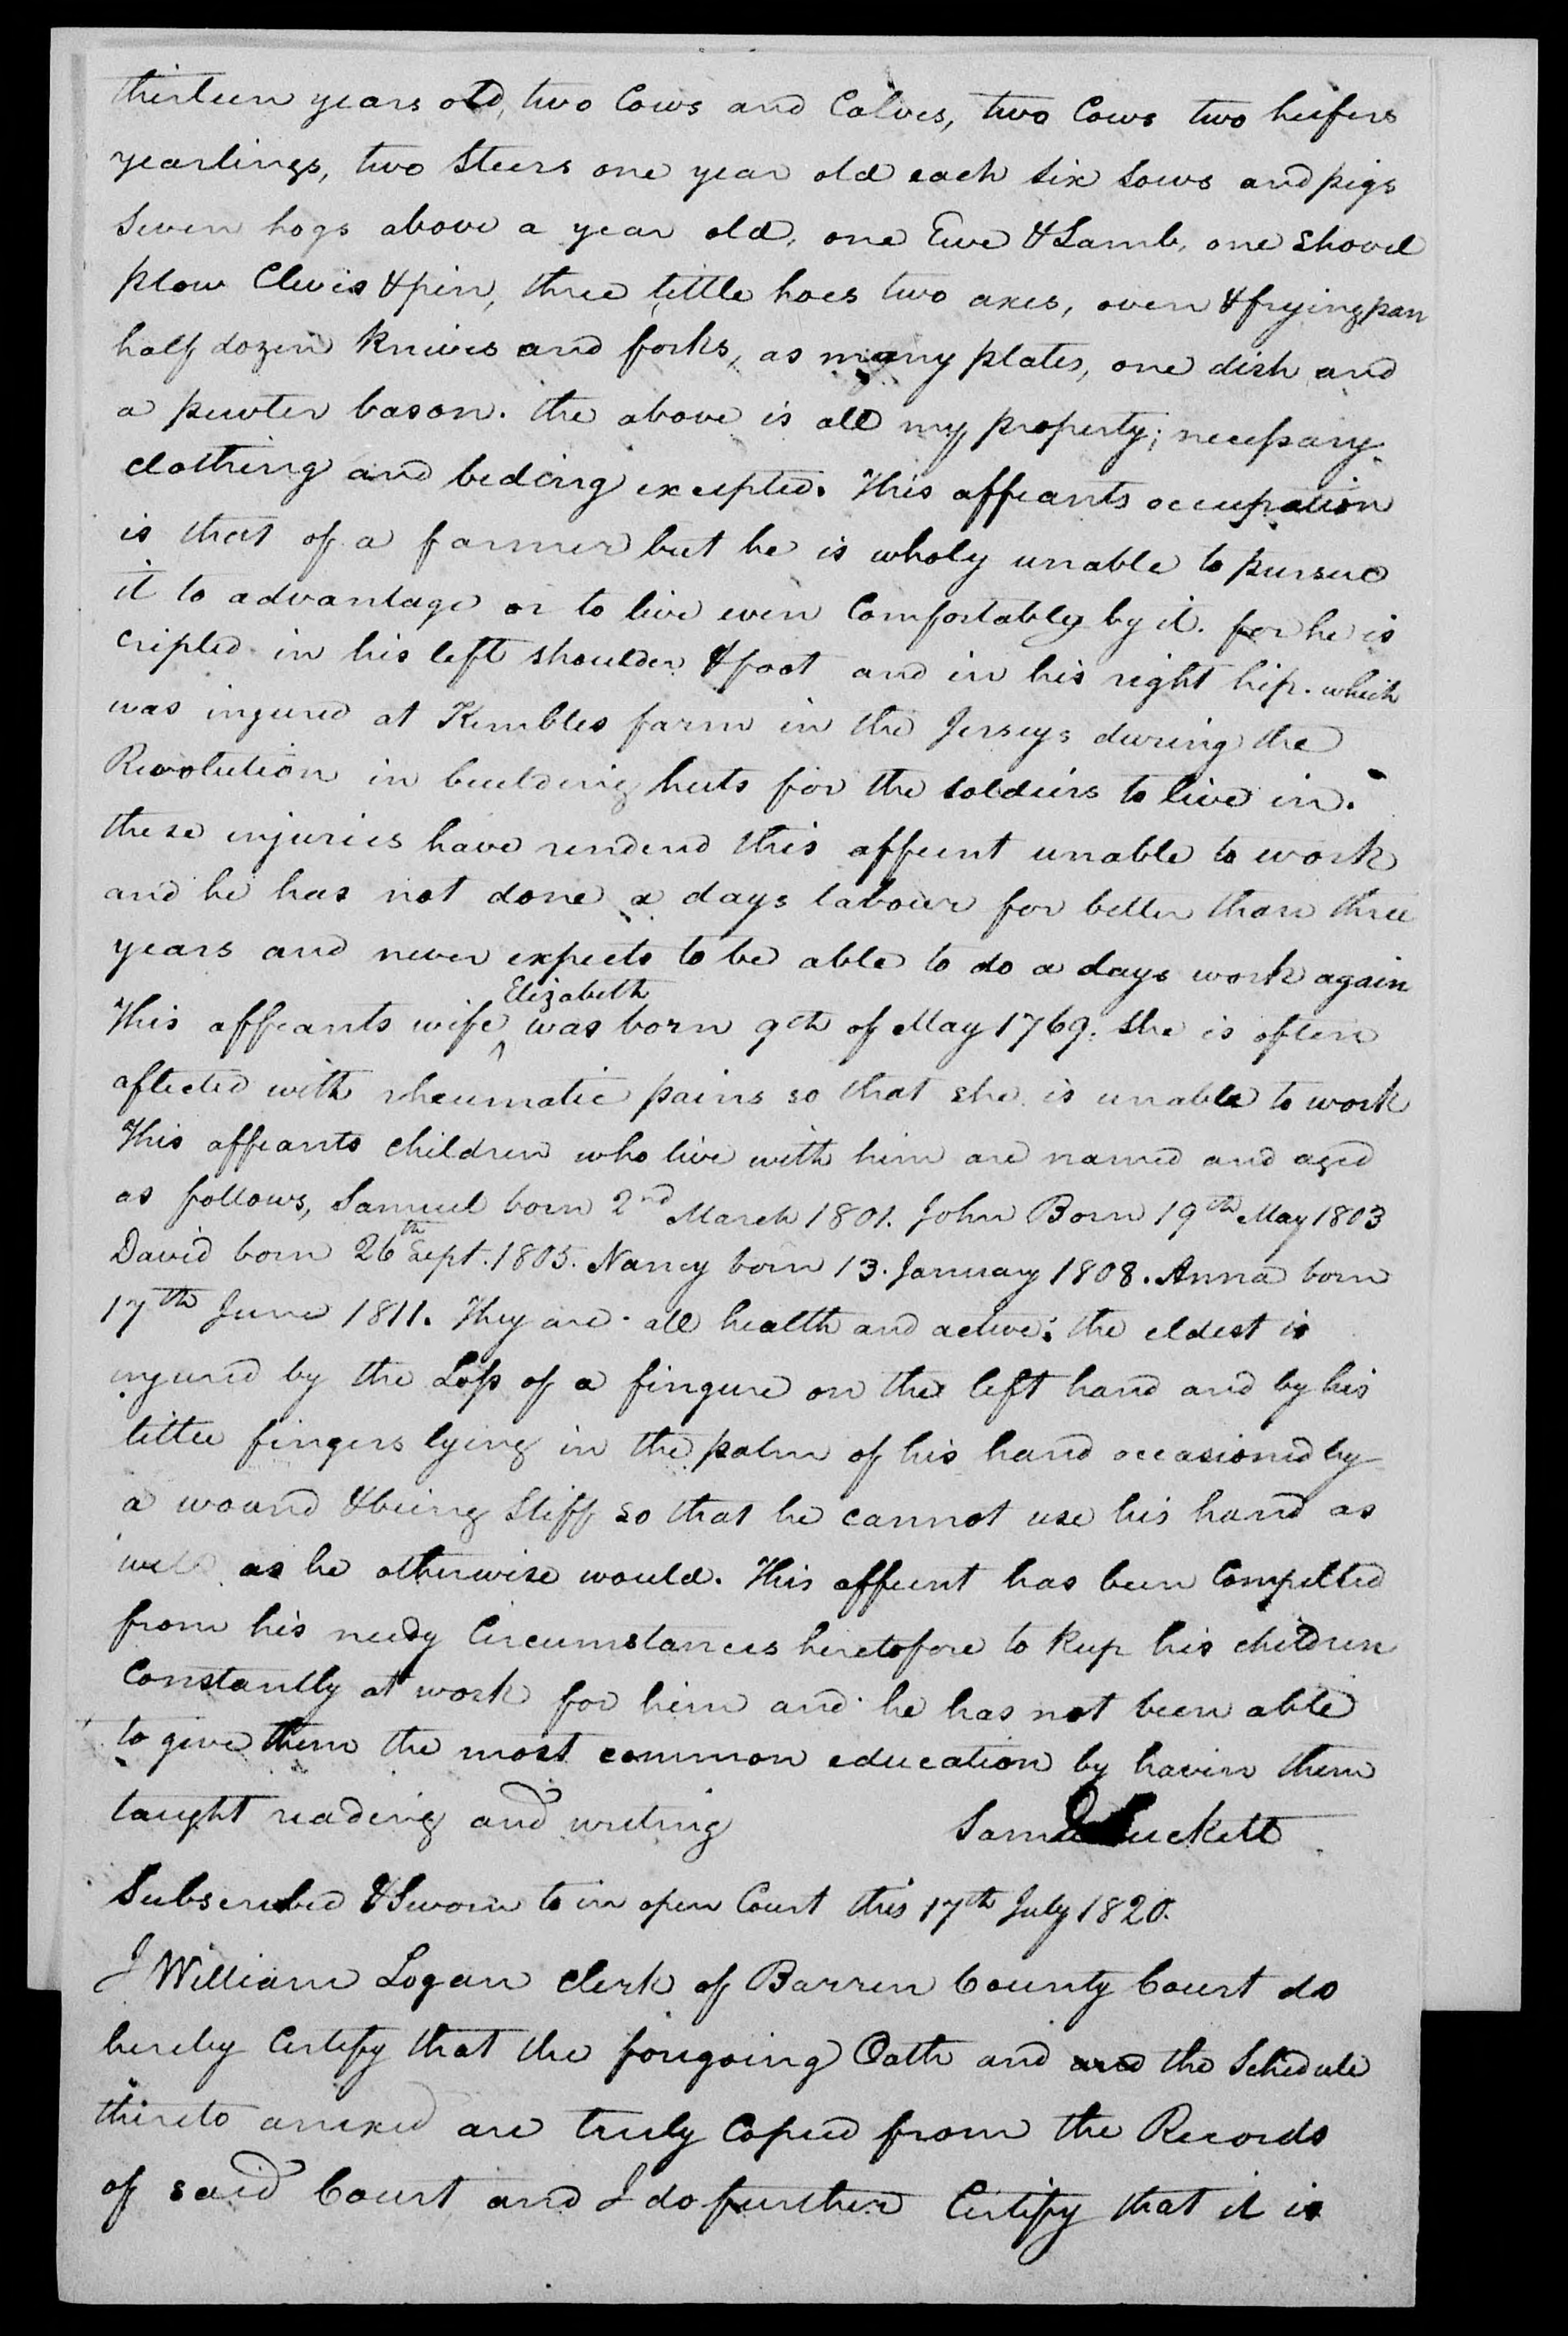thirteen years old, two cows and calves, two cows, two heifer yearlings, two steers one year old each, six sows and pigs, seven hogs above a year old, one ewe & lamb, one shovel plow [illegible] & pin, three little hoes, two axes, oven & frying pan, half dozen knives and forks, as many plates, one dish and a pewter basin, the above is all my property; necessary clothing and bedding excepted. This affiant's occupation is that of a farmer, but he is wholly unable to pursue it to advantage or to live even comfortably by it for he is crippled in his left shoulder & foot and in his right hip which was injured at Kimble's farm in the Jerseys during the revolution in building huts for the soldiers to live in these injuries have rendered this affiant unable to work and he has not done a day's labor for better than three years and never expects to be able to do a day's work again. This affiant's wife Elizabeth was born 9th of May 1769. She is often afflicted with rheumatic pains so that she is unable to work. This affiants' children who live with him are named and aged as follows: Samuel born 2nd March 1801, John born 19th May 1803, David born 26th Sept 1805, Nancy born 13 January 1808, Anna born 17th June 1811. They are all health and active; the eldest is injured by the loss of a finger on the left hand and by his little fingers lying in the palm of his hand occasioned by a wound & being stiff so that he cannot use his hand as well as he otherwise would. This affiant has been compelled from his needy circumstances heretofore to keep his children constantly at work for him and he has not been able to give them the most common education by having them taught reading and writing.

Samual Luckett

Subscribed and sworn to in open court this 17th July 1820.

I William Logan clerk of Barren County Court do hereby certify that the foregoing oath and the schedule thereto annexed are truly copied from the records of said court and I do further certify that it is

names: David [BLANK]; Samuel [BLANK]; John [BLANK]; Nancy [BLANK]; William Logan; Saml Luckett; Anna [BLANK]; Elizabeth [BLANK]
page: 5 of 34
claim: survivor's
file: S. 36,051, for Samuel Luckett, Maryland